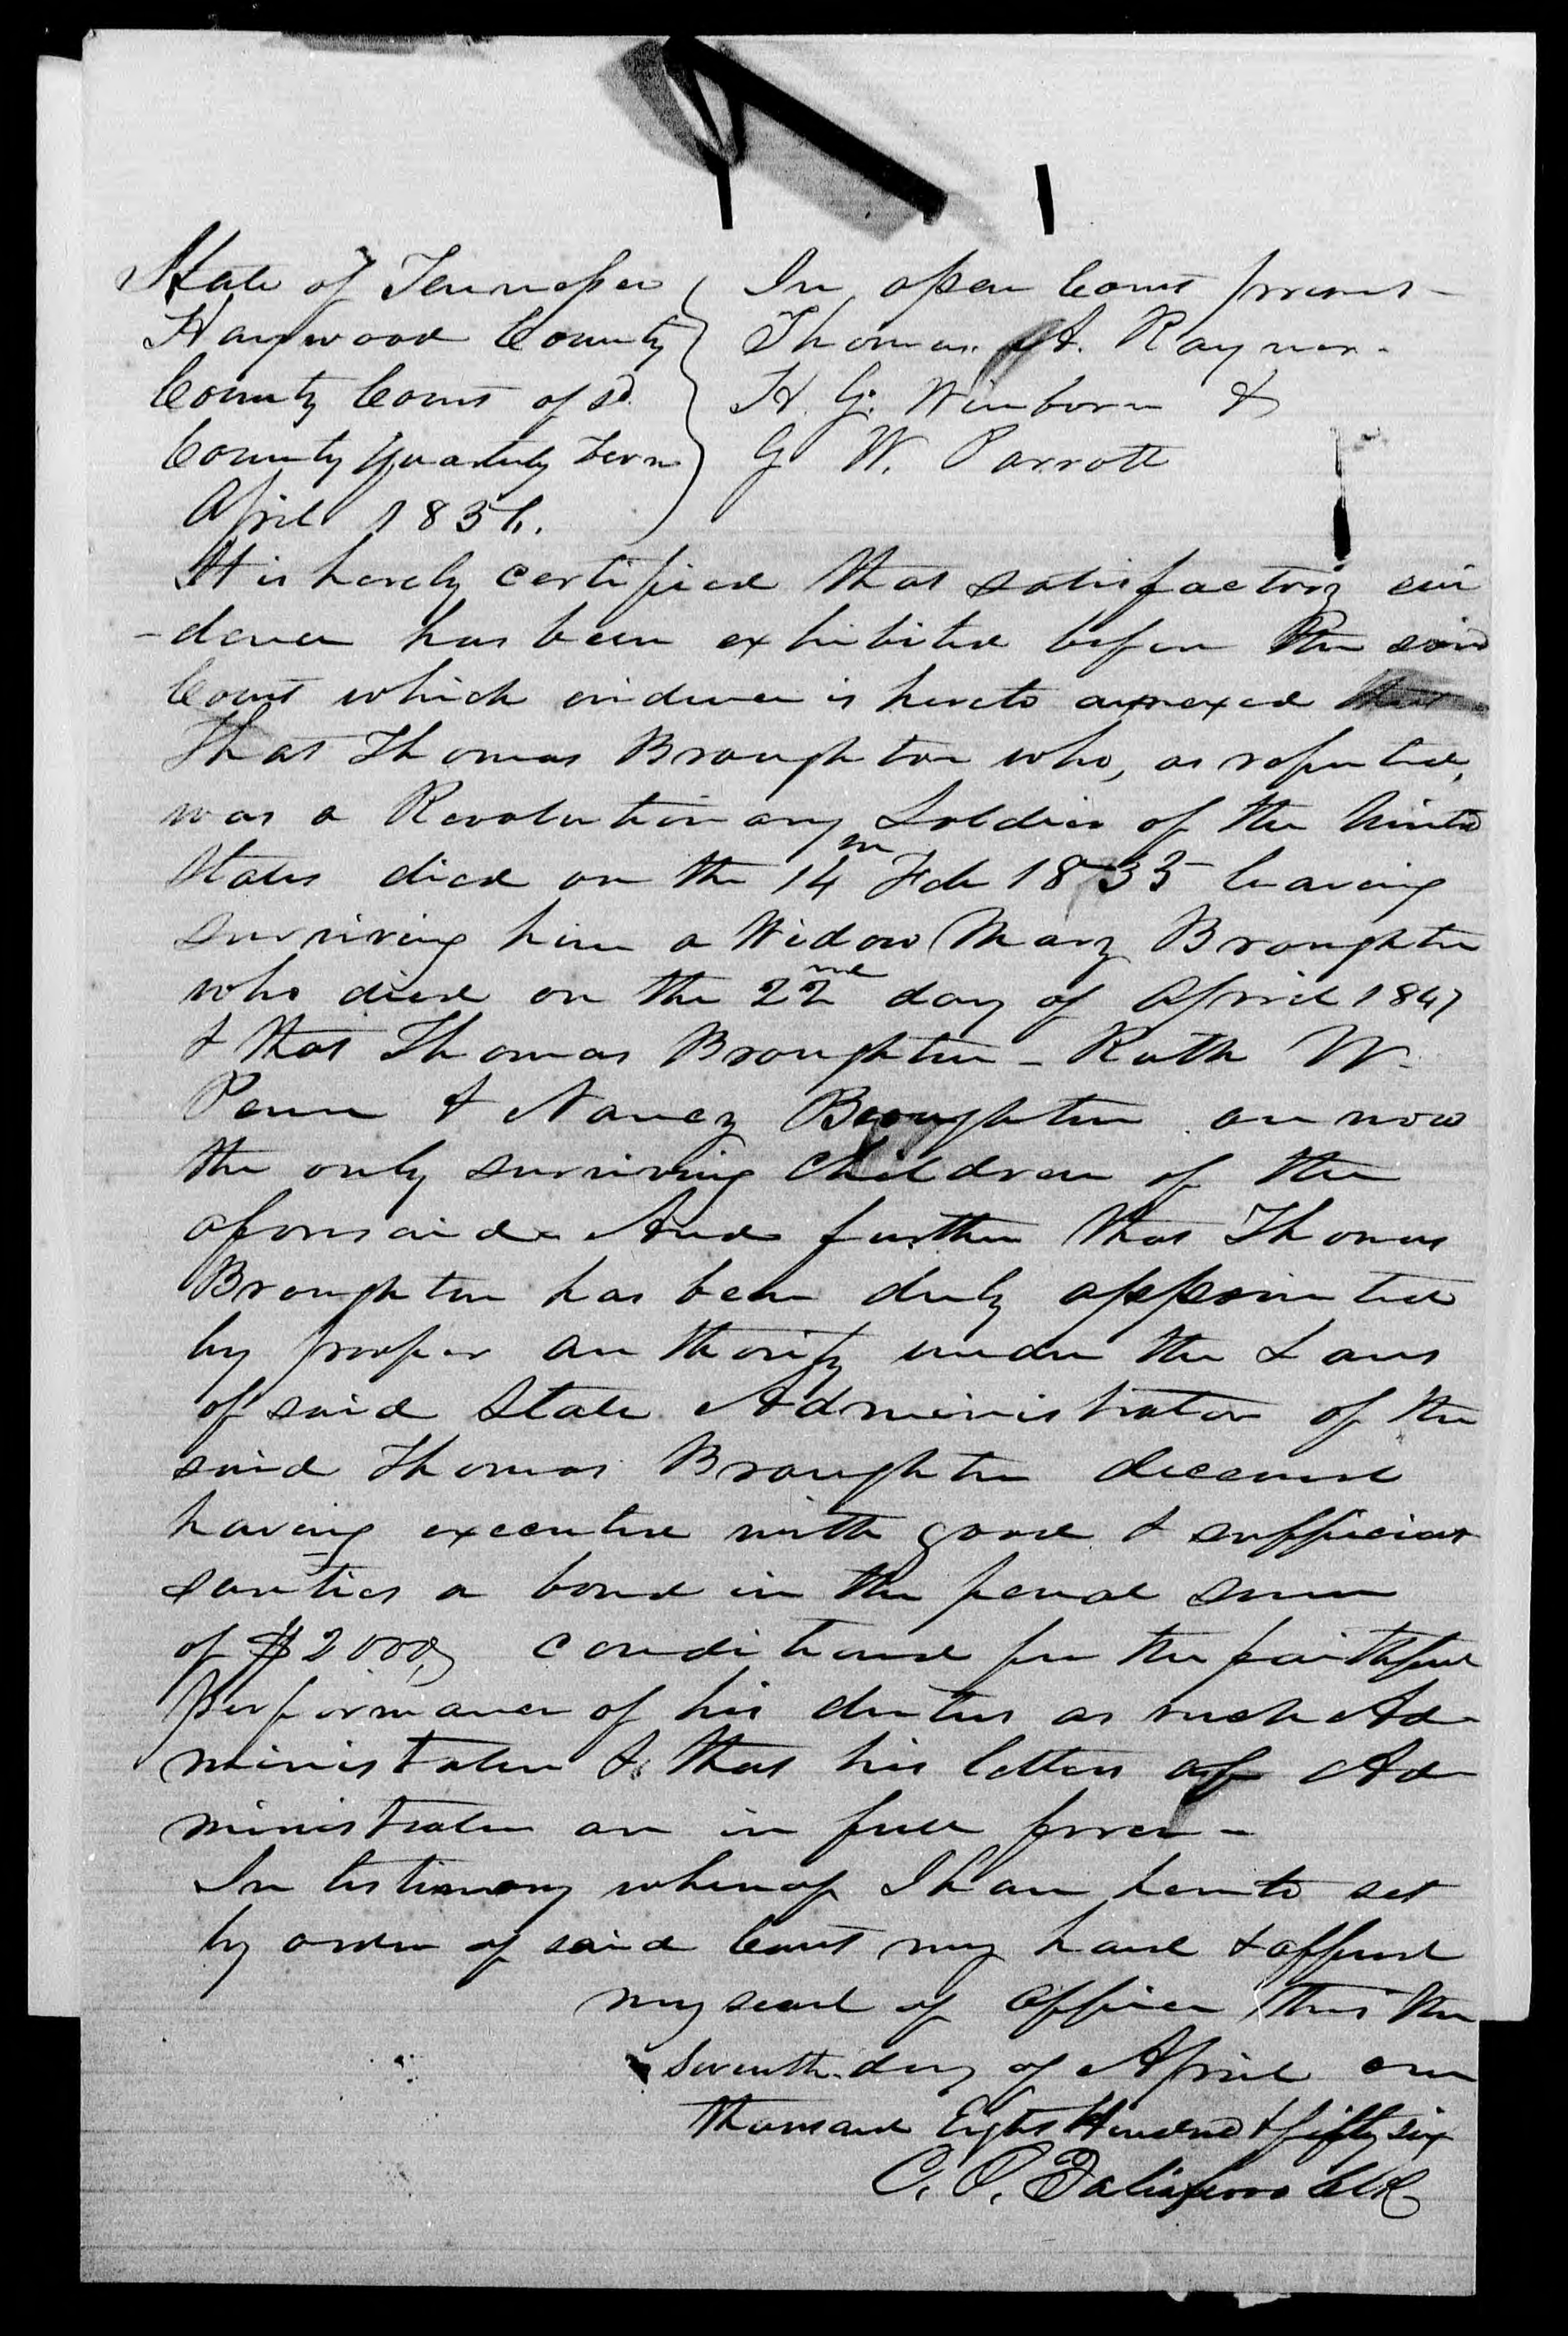State of Tennessee Haywood County 
County Court of SD County Quarterly Term April 1856
In open Court Sessions Thomas H. Rayner, H G. Winborn & G W. Parrott

It is hereby certified that satisfactory
evidence has been exhibited before the said Court which evidence is hereto annexed that Thomas Broughton who, as reputed, was a Revolutionary soldier of the United States died on the 14th Feb 1835 having surviving him a widow Mary Broughton who died on the 22 day of April 1847 & that Thomas Broughton - Ruth W. Penn & Nancy Broughton are now the only surviving children of the
aforesaid. And further that Thomas
Broughton has been duly appointed
by proper authority under the Laws
of said State Administrator of the
said Thomas Broughten deceased
having executed with good & sufficient [illegible] a bond in the penal sum of $2000 conditioned for the faithful performance of his duties as such Administration & that his letters of Administration an in full force.
In testimony whereof I have hereto set by order of said Court my hand & affixed my seal of Office this the
Seventh day of April one
thousand Eight Hundred & fifty six
s/ O.O. Taliaferro Clk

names: Mary Broughton, Thomas Broughton, Thomas Broughton, C P Talioferro, Ruth W Penn, Thomas Broughton, Thomas Broughton, G W Parrott, Thomas A Rayner, Thomas Broughton, H G Winborn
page: 26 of 72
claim: widow's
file: W. 897, Thomas Broughton, S.C.